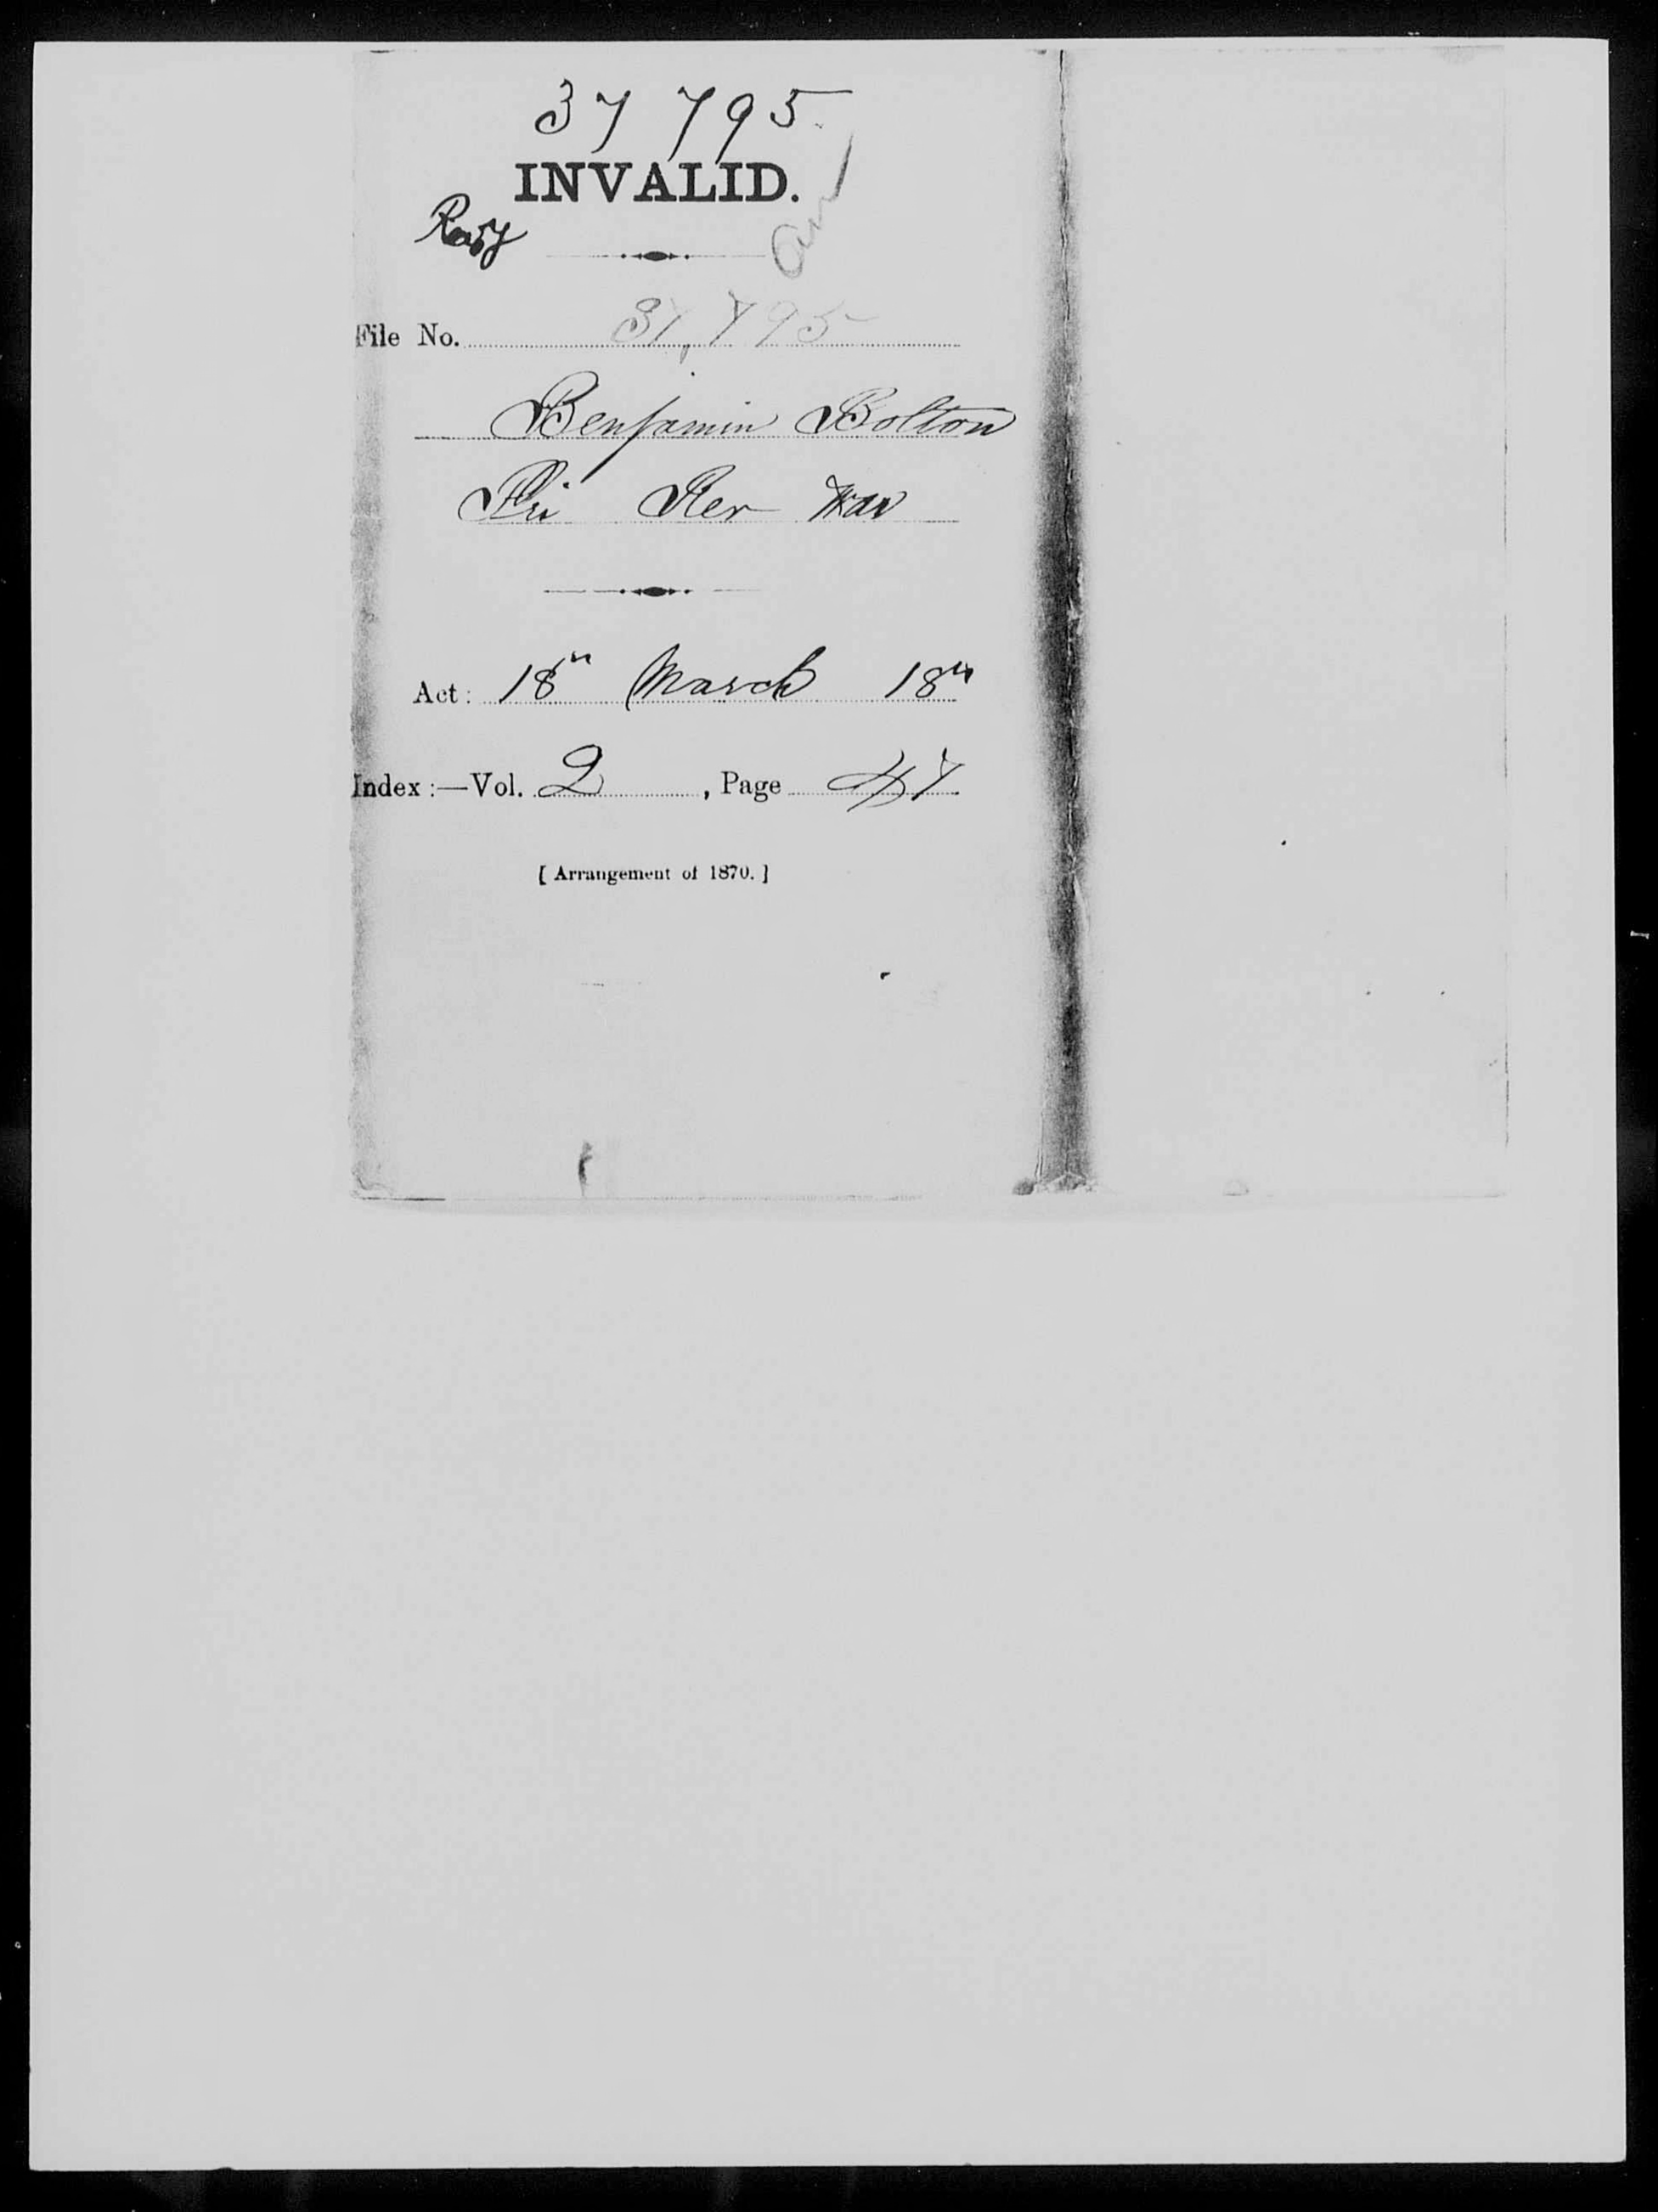37795.
INVALID.
Ruby
File No. 37795
Benjamin Bolton
Pri Rev War
Act: 18th March 18th
Index: -- Vol. 2, Page 47
[Arrangement of 1870.]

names: Benjamin Bolton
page: 19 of 29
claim: survivor's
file: S. 37,795, Benjamin Bolton, N.C.